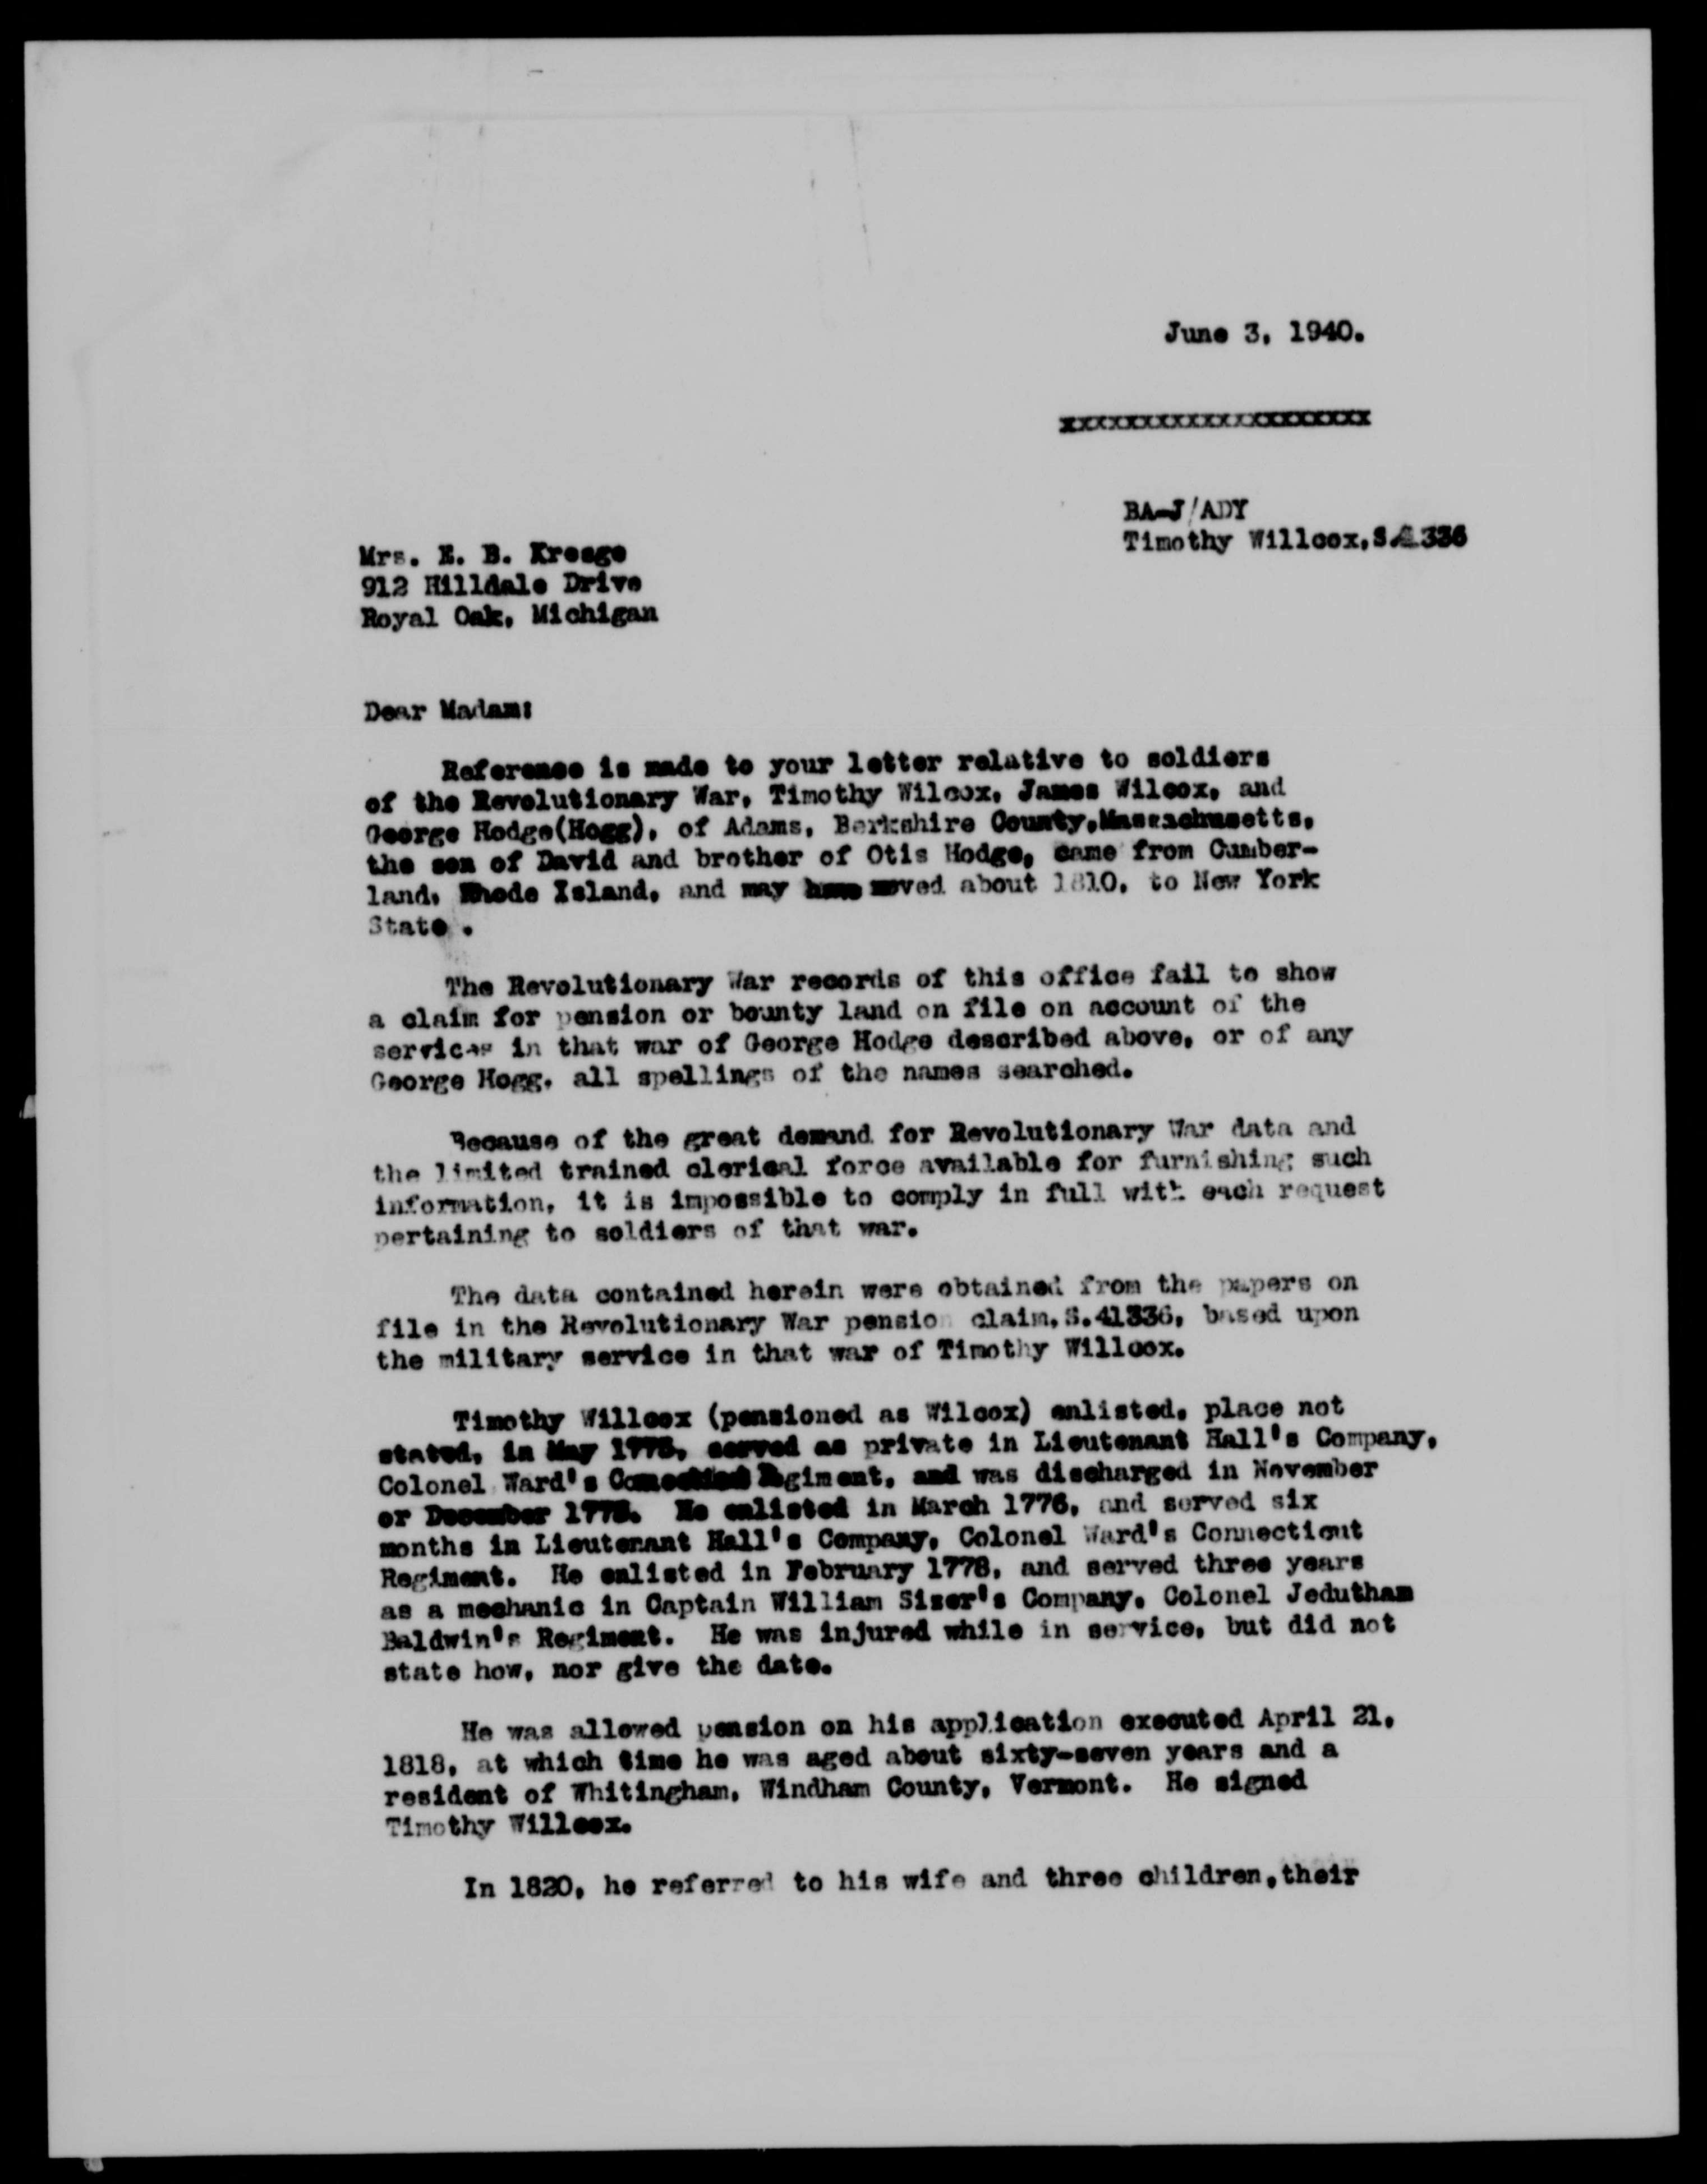June 3, 1940.
XXXXXXXXXXXXXXXXXXXXXX
BA-J ADY
Timothy Willcox, ($8.336?)

Mrs. E. B. Kresge
912 Hilldale Drive
Royal Oak, Michigan

Dear Madam:

Reference is made to your letter relative to soldiers
of the Revolutionary War, Timothy Wilcox, James Wilcox, and
George Hodge (Hogg), of Adams, Berkshire County, Massachusetts,
the son of David and brother of Otis Hodge came from Cumberland
, Rhode Island, and may have moved about 1810, to New York
State.

The Revolutionary War records of this office fail to show
a claim for pension or bounty land on file on account of the
services in that war of George Hodge described above, or of any
George Hogg, all spellings of the names searched.

Because of the great demand for Revolutionary War data and
the limited trained clerical force available for furnishing such
information, it is impossible to comply in full with each request
pertaining to soldiers of that war.

The data contained herein were obtained from the papers on
file in the Revolutionary War pension claim, S.41336, based upon
the military service in that war of Timothy Willcox.

Timothy Willcox (pensioned as Wilcox) enlisted, place not
stated, in May 1775, served as private in Lieutenant Hall's Company,
Colonel Ward's Connecticut Regiment, and was discharged in November
or December 1779. He enlisted in March 1776, and served six
months in Lieutenant Hall's Company, Colonel Ward's Connecticut
Regiment. He enlisted in February 1778, and served three years
as a mechanic in Captain William Siser's Company, Colonel Jeduthan
Baldwin's Regiment. He was injured while in service, but did not
state how, nor give the date.

He was allowed pension on his application executed April 21,
1818, at which time he was aged about sixty-seven years and a
resident of Whitingham, Windham County, Vermont. He signed
Timothy Willcox.

 1820, he referred to his wife and three children, their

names: James Wilcox, David, Timothy Willcox, George Hodge, E B Kresge, George Hogg, Timothy Wilcox, Otis Hodge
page: 8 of 15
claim: survivor's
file: S. 41336, Timothy Willcox, Conn. Continental